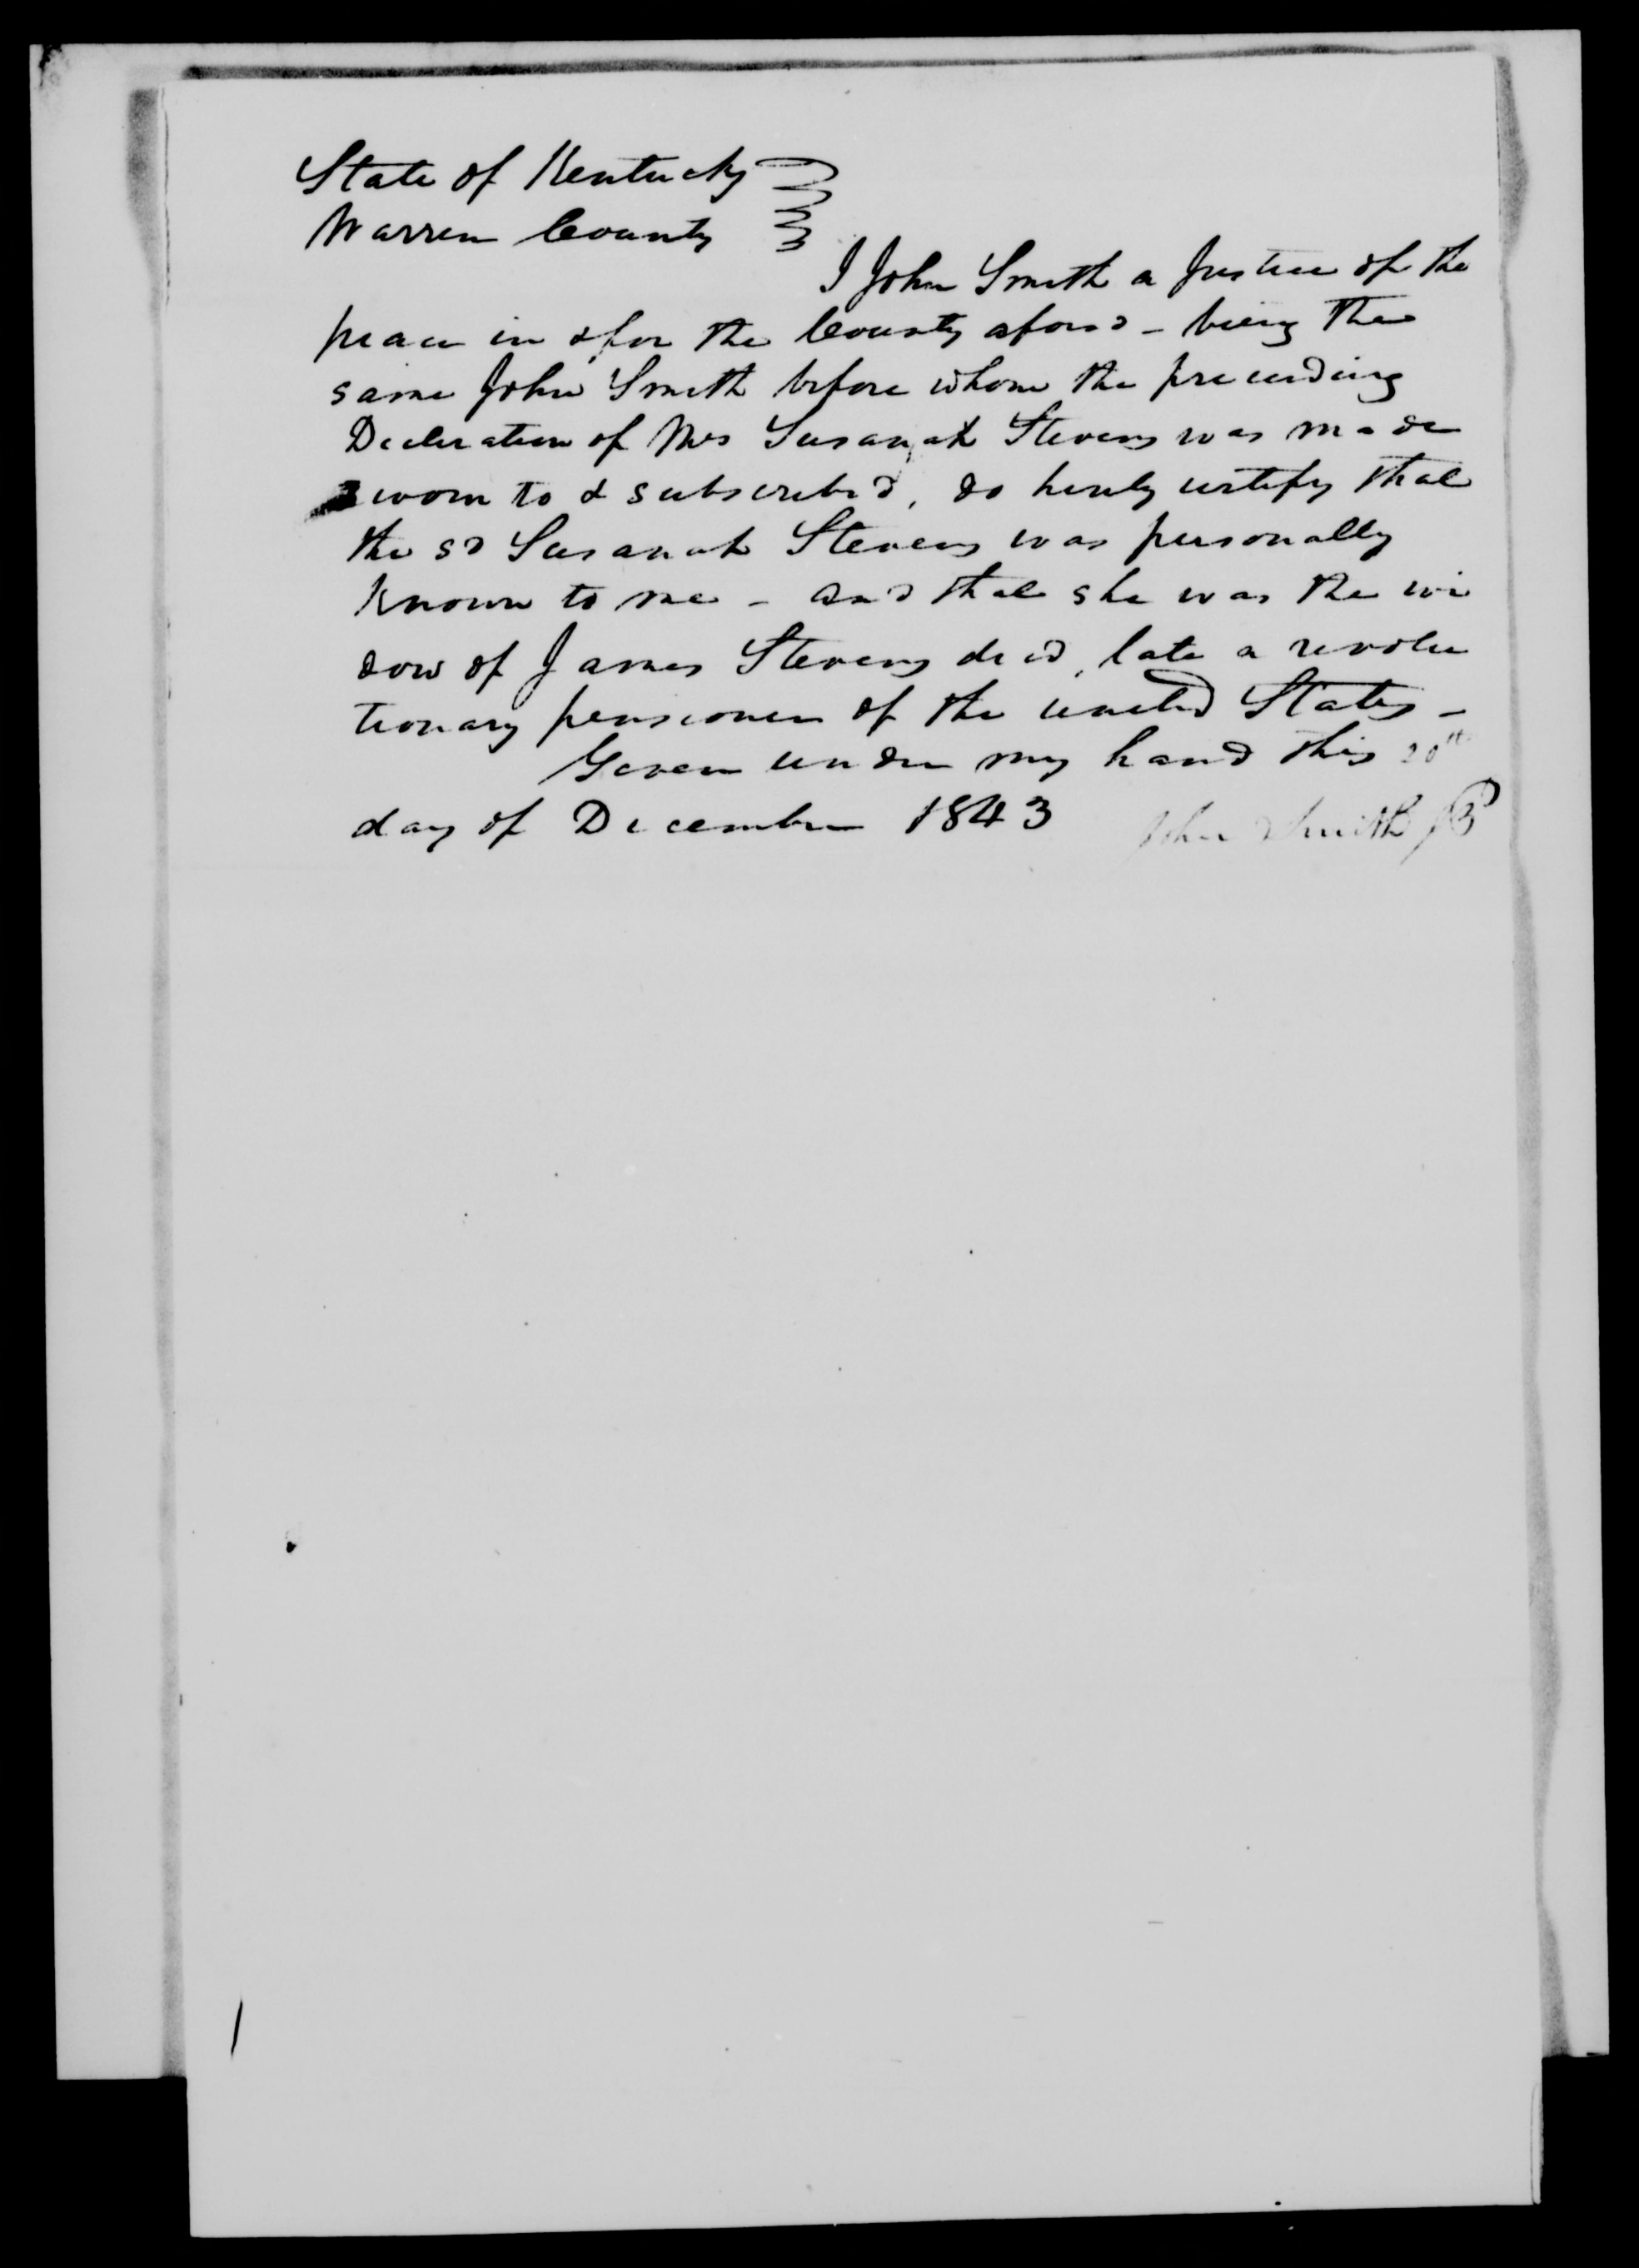State of Kentucky
Warren County
I John Smith a Justice of the peace in & for the County aforsd - being the same John Smith before whom the preceeding Declaration of Mrs. Susanah Stevens was made sworn to & subscribed, do hereby certify that the sd Susanah Stevens was personally known to me - and that she was the widow of James Stevens decd, late a revolutionary pensioner of the united States -
Given under my hand this 20th day of December 1843
John Smith JP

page: 86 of 99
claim: widow's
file: W 8766, for James Stevens, Virginia